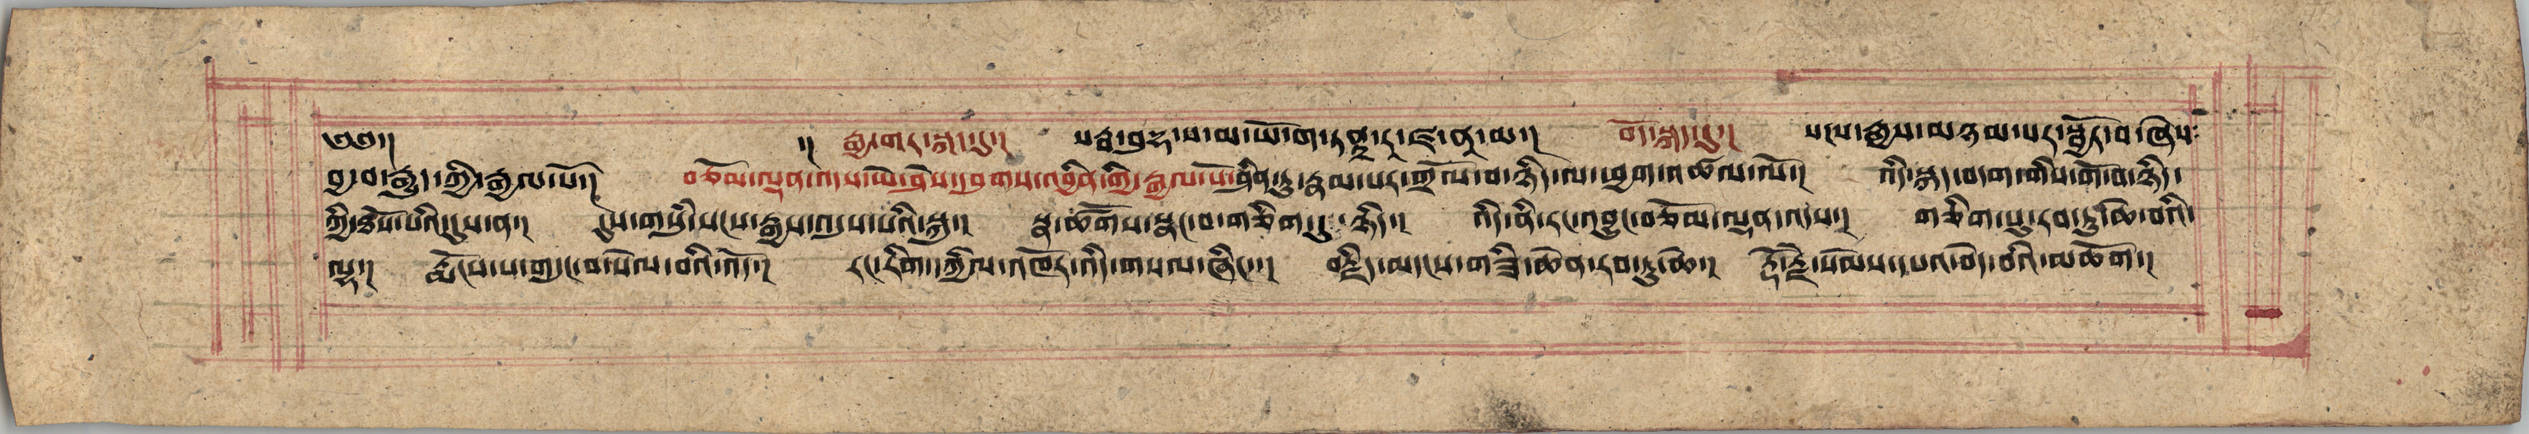༄༅་། ་།རྒྱ་གར་སྐད་དུ་། སརྦ་བུདྷ་ས་མ་ཡོ་ག་ཏནྟྲ་རཱ་ཛ་ནཱ་མ་། བོད་སྐད་དུ་། སངས་རྒྱས་མཉམ་པར་སྦྱོར་བ་ཞེས་
བྱ་བ་རྒྱུད་ཀྱི་རྒྱལ་པོ་། བཅོམ་ལྡན་འདས་ཡེ་ཤེས་དབུགས་འབྱིན་གྱི་རྒྱལ་པོ་ཤིན་ཏུ་རྣམ་པར་གྲོལ་བ་ཉིད་ལ་ཕྱག་འཚལ་ལོ་། འདི་སྐད་བདག་གིས་གོ་བ་ཉིད་
ཀྱི་ཐོས་པའི་དུས་ན་། དུས་གསུམ་སངས་རྒྱས་འདུས་པའི་སྐུ་། སྣ་ཚོགས་སྣང་བ་གཅིག་དུ་ཉིད་། འདི་ནི་རང་འབྱུང་བཅོམ་ལྡན་འདས་། གཅིག་པུ་རབ་ཏུ་ཆེ་བའི་
ལྷ་། རྨོངས་པ་གདུང་བ་སེལ་བའི་འོད་། རང་རིག་དཀྱིལ་འཁོར་འདི་གསལ་ཞིང་་། བརྗིད་མདངས་གཟི་ཆེན་རབ་ཏུ་ཆེ་། རྡོ་རྗེ་སེམས་དཔའ་བདེ་བའི་མཆོག་།